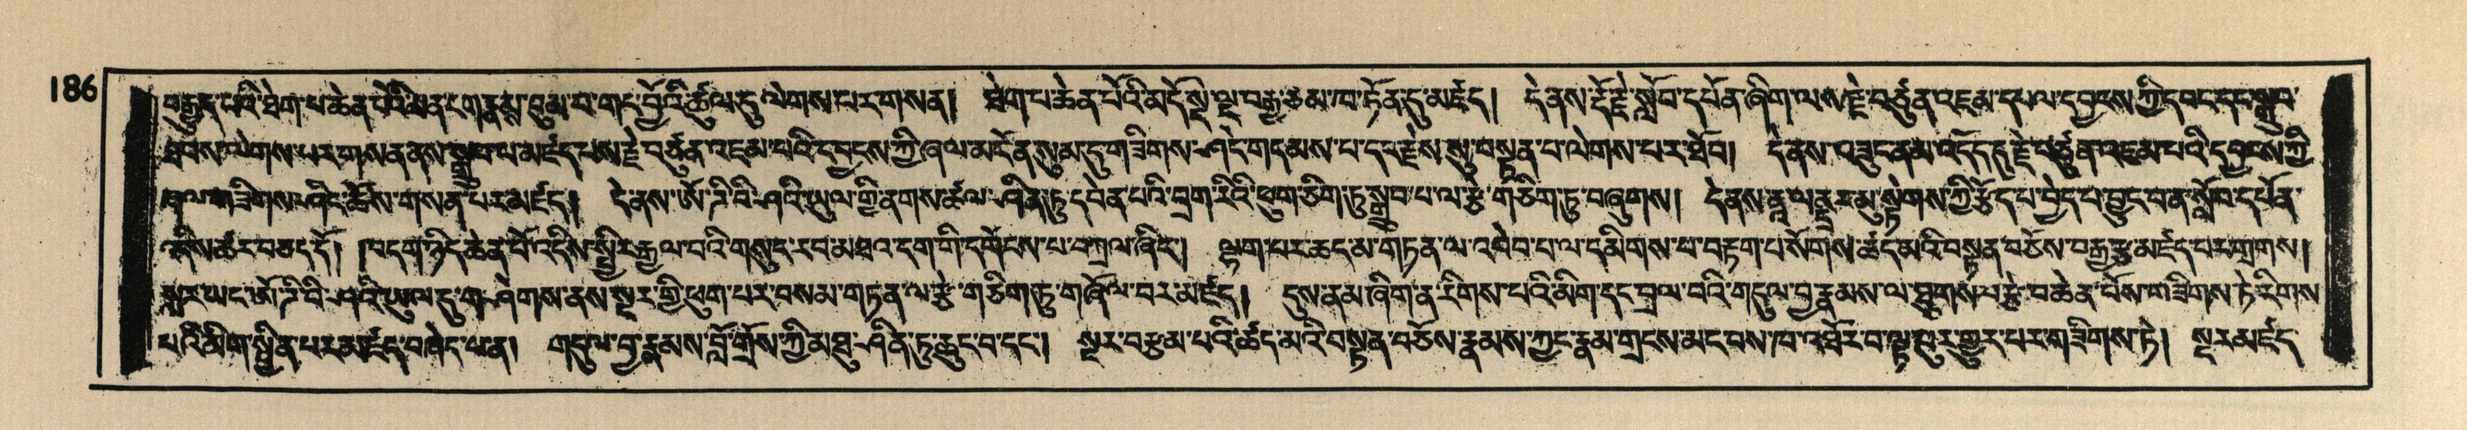བརྒྱུད་པའི་ཐེག་པ་ཆེན་པོའི་མན་ངག་རྣམས་བུམ་བ་གང་བྱོའི་ཚུལ་དུ་ལེགས་པར་གསན། ཐེག་པ་ཆེན་པོའི་མདོ་སྡེ་ལྔ་བརྒྱ་ཙམ་ཁ་ཏོན་དུ་མཛད། དེ་ནས་རྡོ་རྗེ་སློབ་དཔོན་ཞིག་ལས་རྗེ་བཙུན་འཇམ་དཔལ་དབྱངས་ཀྱི་དབང་དང་སྒྲུབ་
ཐབས་ལེགས་པར་གསན་ནས་སྒྲུབ་ལ་མཛད་པས་རྗེ་བཙུན་འཇམ་པའི་དབྱངས་ཀྱི་ཞལ་མངོན་སུམ་དུ་གཟིགས་ཤིང་གདམས་པ་དང་རྗེས་སུ་བསྟན་པ་ལེགས་པར་ཐོབ། དེ་ནས་བཟུང་ནམ་འདོད་དུ་རྗེ་བཙུན་འཇམ་པའི་དབྱངས་ཀྱི་
ཞལ་གཟིགས་ཤིང་ཆོས་གསན་པར་མཛད། དེ་ནས་ཨོ་ཌི་བི་ཤའི་ཡུལ་གྱི་ནགས་ཚལ་ཤིན་ཏུ་དབེན་པའི་བྲག་རིའི་ཕུག་ཅིག་ཏུ་སྒྲུབ་པ་ལ་རྩེ་གཅིག་ཏུ་བཞུགས། དེ་ནས་ནཱ་ལནྡྲ་ར་མུ་སྟེགས་ཀྱི་རྩོད་པ་བྱེད་པ་བྱུང་བ་ན་སློབ་དཔོན་
འདིས་ཚར་བཅད་དོ། །བདག་ཉིད་ཆེན་པོ་འདིས་སྦྱིར་རྒྱལ་བའི་གསུང་རབ་མཐའ་དག་གི་དགོངས་པ་བཀྲལ་ཞིང་། ལྷག་བར་ཆད་མ་གཏན་ལ་འབེབ་པ་ལ་དམིགས་པ་བརྟག་པ་སོགས་ཚད་མའི་བསྟན་བཅོས་བརྒྱ་རྩ་མཛད་པར་གྲགས།
སླར་ཡང་ཨོ་ཌི་བི་ཤའི་ཡུལ་དུ་གཤེགས་ནས་སྔར་གྱི་ཕུག་པར་བསམ་གཏན་ལ་རྩེ་གཅིག་ཏུ་གཞོལ་བར་མཛད། དུས་ནམ་ཞིག་ན་རིགས་པའི་མིག་དང་བྲལ་བའི་གདུལ་བྱ་རྣམས་ལ་ཐུགས་བརྩེ་བ་ཆེན་པོས་གཟིགས་ཏེ་རིགས་
པའི་མིག་སྤྱིན་པར་མཛད་བཞེད་པ་ན། གདུལ་བྱ་རྣམས་བློ་གྲོས་ཀྱི་མཐུ་ཤིན་ཏུ་ཆུང་བ་དང་། སྔར་བརྩམས་པའི་ཚད་མའི་བསྟན་བཅོས་རྣམས་ཀྱང་རྣམ་གྲངས་མང་བས་ཁ་འཐོར་བ་ལྟ་བུར་གྱུར་པར་གཟིགས་ཏེ། སྔར་མཛད་